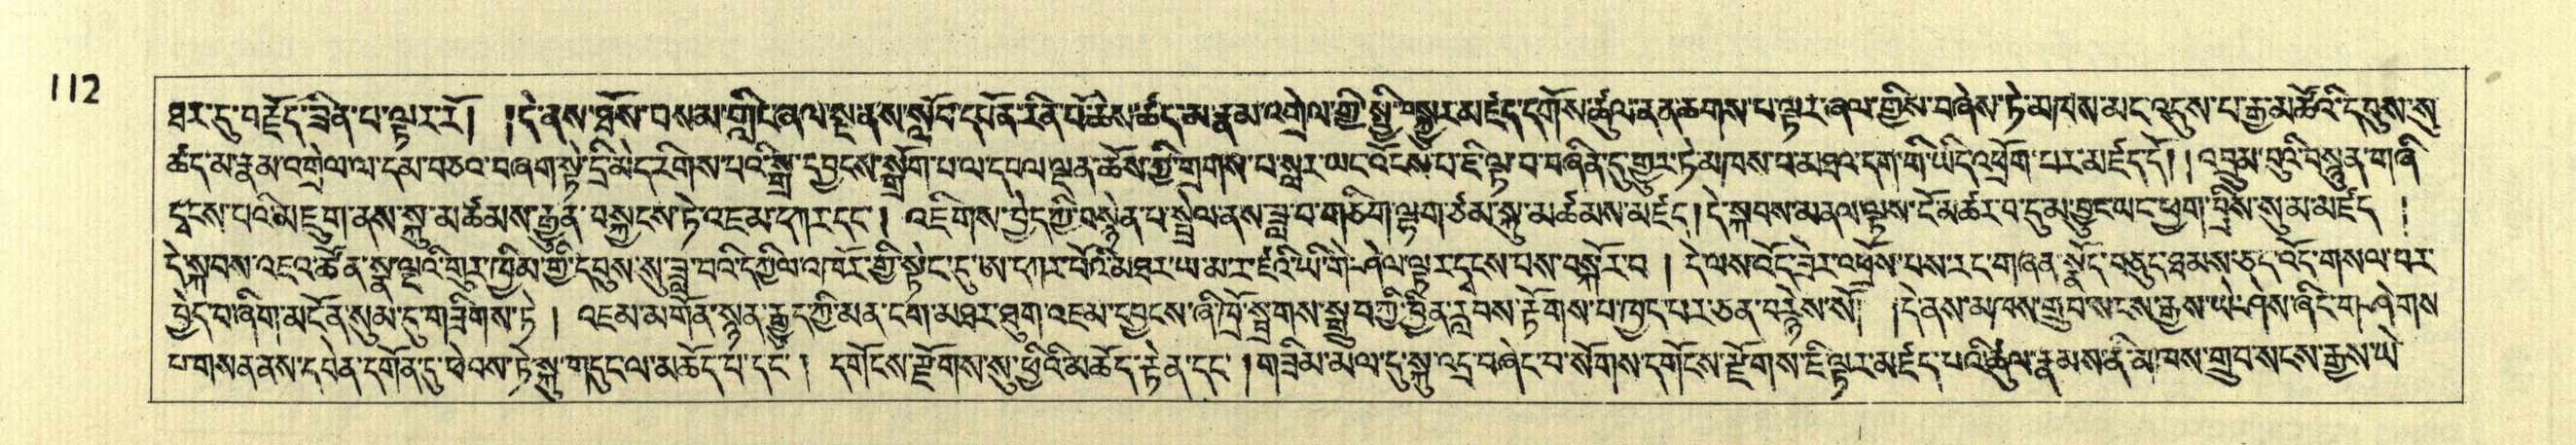ཐར་དུ་བརྗོད་ཟིན་པ་ལྟར་རོ། །དེ་ནས་ཐོས་བསམ་གླིང་ཞལ་སྔ་ནས་སློབ་དཔོན་རིན་པོ་ཆེས་ཚད་མ་རྣམ་འགྲེལ་གྱི་སྤྱི་བསྐྱུར་མཛད་དགོས་ཚུལ་ནན་ཆགས་པ་ལྟར་ཞལ་གྱིས་བཞེས་ཏེ་མཁས་མང་འདུས་པ་རྒྱ་མཚོའི་དབུས་སུ་
ཚད་མ་རྣམ་འགྲེལ་ལ་དམ་བཅའ་བཞག་སྟེ་དྲི་མེད་རིགས་པའི་སྒྲ་དབྱངས་སྒྲོག་པ་ལ་དཔལ་ལྡན་ཆོས་ཀྱི་གྲགས་པ་སླར་ཡང་འོངས་པ་ཇི་ལྟ་བ་བཞིན་དུ་གྱུར་ཏེ་མཁས་པ་མཐའ་དག་གི་ཡིད་འཕྲོག་པར་མཛད་དོ། །འབྲུམ་བུའི་བསྙུན་གཞི་
དྭངས་པའི་མཇུག་ནས་སྐུ་མཚམས་རྒྱུན་བསྐྱངས་ཏེ་འཇམ་དཀར་དང་། འཇིགས་བྱེད་ཀྱི་བསྙེན་པ་སྤྲེལ་ནས་ཟླ་བ་གཅིག་ལྷག་ཙམ་སྐུ་མཚམས་མཛད། དེ་སྐབས་མནལ་ལྟས་ངོ་མཚར་བ་དུ་མ་བྱུང་ཡང་ཕྱག་བྲིས་སུ་མ་མཛད།
དེ་སྐབས་འཇའ་ཚོན་སྣ་ལྔའི་གུར་ཁྱིམ་གྱི་དབུས་སུ་ཟླ་བའི་དཀྱིལ་འཁོར་གྱི་སྟེང་དུ་ཨ་དཀར་པོའི་མཐར་ཨ་མ་ར་ཛའི་ཡི་གེ་ཤེལ་ལྟར་དྭངས་པས་བསྐོར་བ་།དེ་ལས་འོད་ཟེར་འཕྲོས་པས་རང་གཞན་སྣོད་བཅུད་ཐམས་ཅད་འོད་གསལ་བར་
བྱེད་པ་ཞིག་མངོན་སུམ་དུ་གཟིགས་ཏེ། འཇམ་མགོན་སྙན་རྒྱུད་ཀྱི་མན་ངག་མཐར་ཐུག་འཇམ་དབྱངས་ཞི་ཁྲོ་སྦྲགས་སྒྲུབ་ཀྱི་བྱིན་རླབས་རྟོགས་པ་ཁྱད་པར་ཅན་བརྙེས་སོ། །དེ་ནས་མཁས་གྲུབ་སངས་རྒྱས་ཡེ་ཤེས་ཞིང་གཤེགས་
པ་གསན་ནས་དབེན་དགོན་དུ་ཕེབས་ཏེ་སྐུ་གདུང་ལ་མཆོད་པ་དང་། དགོངས་རྫོགས་སུ་ཕྱིའི་མཆོད་རྟེན་དང་། གཟིམ་མལ་དུ་སྐུ་འདྲ་བཞེངས་པ་སོགས་དགོངས་རྫོགས་ཇི་ལྟར་མཛད་པའི་ཚུལ་རྣམས་ནི་མཁས་གྲུབ་སངས་རྒྱས་ཡེ་